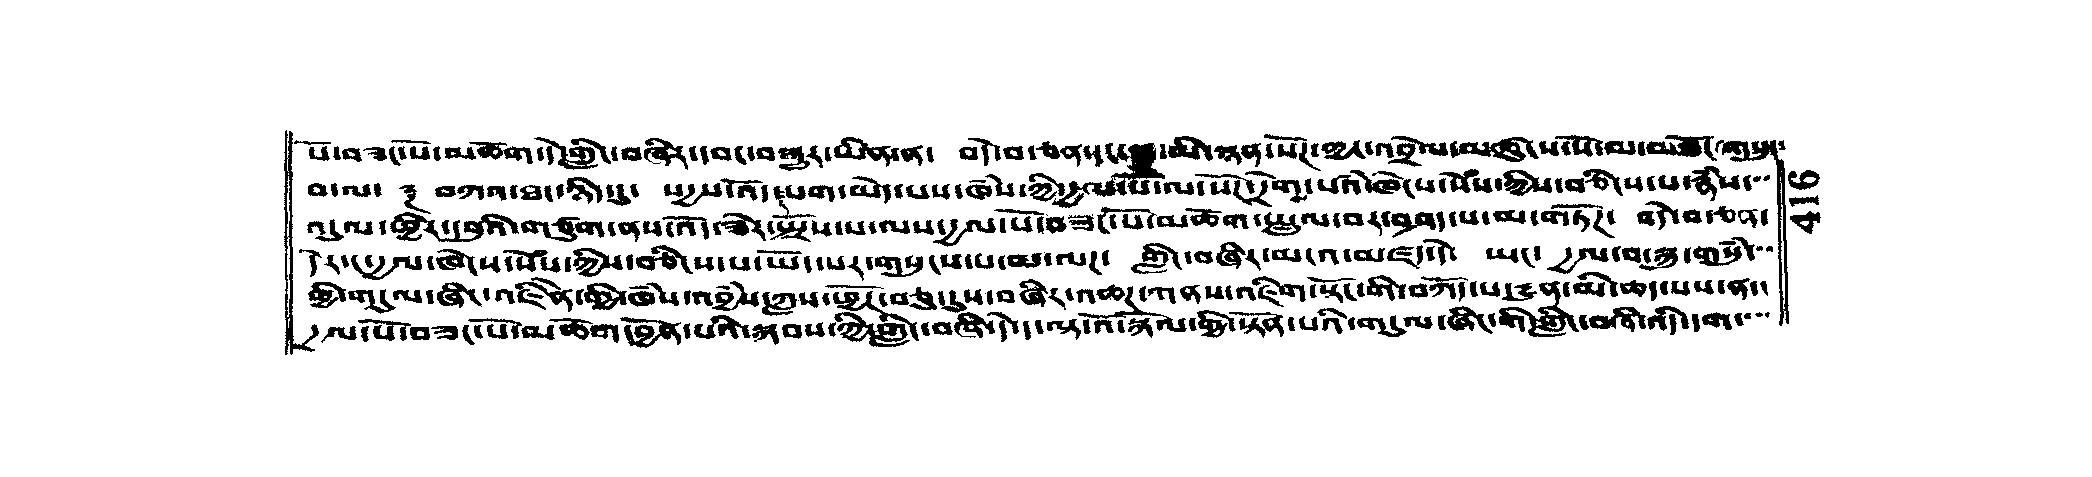པོ་བཟང་པོ་མཆོག་དེ་གླིང་བཟཞར་དབང་བསྒྱུར་ཡིན་ན། བདེ་བ་ཅན་དང་སྒྲ་མི་སྙན་སོགས་ཀྱང་འབྲེལ་མཚུངས་སུ་མ་མཐོང་གསུང་
བ་ལ། ༈ བཀའ་ཐང་ཉིད་དུ། སངས་རྒྱས་འོད་དཔག་མེད་པས་ཁམས་ཀྱི་རྒྱལ་པོ་ལ་སོགས་དྲེགས་པའམ་ཁེངས་སེམས་ཀྱིས་བཅིངས་པ་རྣམས་
འདུལ་ཕྱིར་དབུའི་གཙུག་ནས་འོད་ཟེར་སྤྲོས་པ་ལས་རྒྱལ་པོ་བཟང་པོ་མཆོག་སྤྲུལ་བར་བཤད་པ་མ་གཏོགས།བདེ་བ་ཅན་
དེར་ང་རྒྱལ་ཁེངས་སེམས་ཀྱིས་བཅིངས་པ་ཡོད་པར་གསུངས་པ་མ་ལགས། གླིང་བཞིར་མངའ་མཛད་དེ་ཡང་། རྒྱལ་བ་སྐུ་གསུམ་
གྱི་གདུལ་ཞིང་འཇིག་རྟེན་གྱི་ཁམས་འབྱམས་ཀླས་ཕྱོགས་བཅུ་དུས་བཞིར་ཆགས་གནས་འཇིག་སྟོང་གི་བཀོད་པ་རྒྱུན་མི་ཆད་པས་ན། 
རྒྱལ་པོ་བཟང་པོ་མཆོག་བྱོན་པའི་སྐབས་ཀྱི་གླིང་བཞི་དེ་ད་ལྟ་འོ་སྐོལ་གྱི་སྟོན་པའི་གདུལ་ཞིང་གི་གླིང་བཞི་འདི་དག་